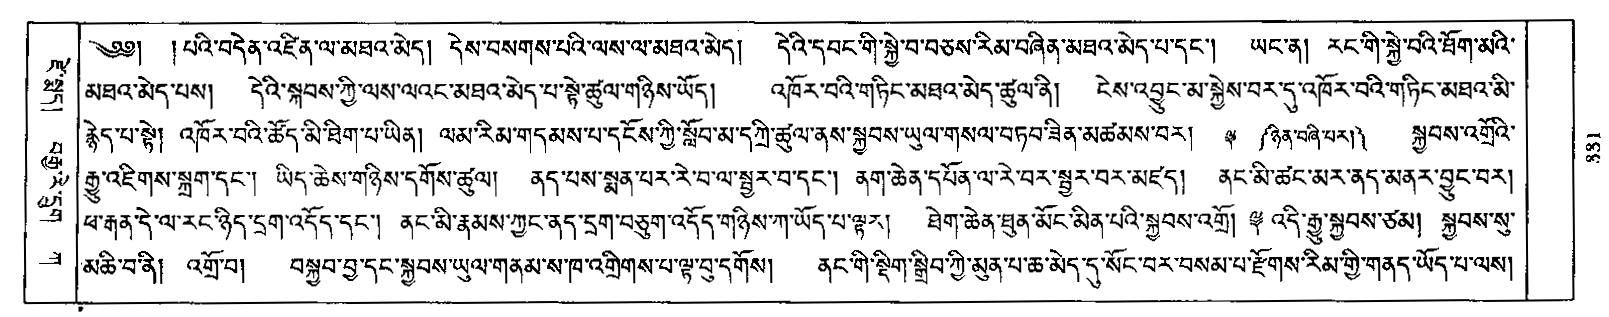༄༅། །པའི་བདེན་འཛིན་ལ་མཐའ་མེད། དེས་བསགས་པའི་ལས་ལ་མཐའ་མེད། དེའི་དབང་གི་སྐྱེ་བ་བཅས་རིམ་བཞིན་མཐའ་མེད་པ་དང་། ཡང་ན། རང་གི་སྐྱེ་བའི་ཐོག་མའི་
མཐའ་མེད་པས། དེའི་སྐབས་ཀྱི་ལས་ལའང་མཐའ་མེད་པ་སྟེ་ཚུལ་གཉིས་ཡོད། འཁོར་བའི་གཏིང་མཐའ་མེད་ཚུལ་ནི། ངེས་འབྱུང་མ་སྐྱེས་བར་དུ་འཁོར་བའི་གཏིང་མཐའ་མི་
རྙེད་པ་སྟེ། འཁོར་བའི་ཚོད་མི་ཐིག་པ་ཡིན། ལམ་རིམ་གདམས་པ་དངོས་ཀྱི་སློབ་མ་དཀྲི་ཚུལ་ནས་སྐྱབས་ཡུལ་གསལ་བཏབ་ཟིན་མཚམས་བར། ༈ ཉིན་བཞི་པར།?་སྐྱབས་འགྲོའི་
རྒྱུ་འཇིགས་སྐྲག་དང་། ཡིད་ཆེས་གཉིས་དགོས་ཚུལ། ནད་པས་སྨན་པར་རེ་བ་ལ་སྦྱར་བ་དང་། ནག་ཆེན་དཔོན་ལ་རེ་བར་སྦྱར་བར་མཛད། ནང་མི་ཚང་མར་ནད་མནར་བྱུང་བར།
ཕ་རྒན་དེ་ལ་རང་ཉིད་དྲག་འདོད་དང་། ནང་མི་རྣམས་ཀྱང་ནད་དྲག་བཅུག་འདོད་གཉིས་ཀ་ཡོད་པ་ལྟར། ཐེག་ཆེན་ཐུན་མོང་མིན་པའི་སྐྱབས་འགྲོ། ༈ འདི་རྒྱུ་སྐྱབས་ཙམ། སྐྱབས་སུ་
མཆི་བ་ནི། འགྲོ་བ། བསྐྱབ་བྱ་དང་སྐྱབས་ཡུལ་གནམ་ས་ཁ་འགྲིགས་པ་ལྟ་བུ་དགོས། ནང་གི་སྡིག་སྒྲིབ་ཀྱི་མུན་པ་ཆ་མེད་དུ་སོང་བར་བསམ་པ་རྫོགས་རིམ་གྱི་གནད་ཡོད་པ་ལས།